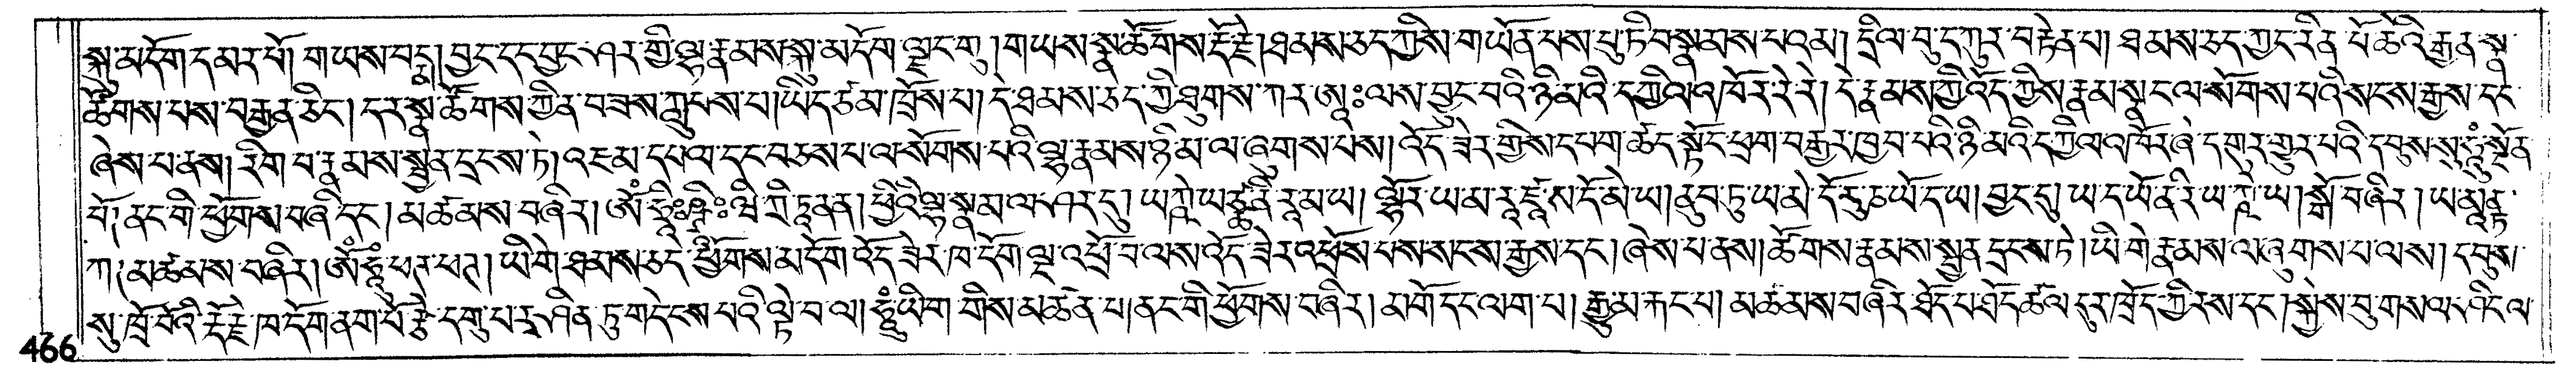སྐུ་མདོག་དམར་པོ། གཡས་པདམ། བྱང་དང་བྱང་ཤར་གྱི་ལྷ་རྣམས་སྐུ་མདོག་ལྗང་གུ །གཡས་སྣ་ཚོགས་རྡོ་རྗེ། ཐམས་ཅད་ཀྱིས་གཡོན་པས་པུ་ཏི་བསྣམས་པའམ། དྲིལ་བུ་དཀུར་བརྟེན་པ། ཐམས་ཅད་ཀྱང་རིན་པོ་ཆེའི་རྒྱན་སྣ་
ཚོགས་པས་བརྒྱན་ཅིང་། དར་སྣ་ཚོགས་ཀྱི་ན་བཟས་ཀླུབས་པ། ཡིད་ཙམ་ཁྲོས་པ། དེ་ཐམས་ཅད་ཀྱི་ཐུགས་ཀར་ཨཱཿ ལས་བྱུང་བའི་ཉི་མའི་དཀྱིལ་འཁོར་རེ་རེ། དེ་རྣམས་ཀྱི་འོད་ཀྱིས་རྣམ་སྣང་ལ་སོགས་པའི་སངས་རྒྱས་དང་
ཞེས་པ་ནས། རིག་པ་རྣམས་སྤྱན་དྲངས་ཏེ། འཇམ་དཔལ་དང་བཅས་པ་ལ་སོགས་པའི་ལྷ་རྣམས་ཉི་མ་ལ་ཞུགས་པས། འོད་ཟེར་གྱིས་དཔག་ཚད་སྟོང་ཕྲག་བརྒྱར་ཁྱབ་པའི་ཉི་མའི་དཀྱིལ་འཁོར་ཞེ་དགུར་གྱུར་པའི་དབུས་སུ་ཧཱུཾ་སྔོན་
པོ། ནང་གི་ཕྱོགས་བཞི་དང་། མཚམས་བཞིར། ཨོཾ་ཧྲཱིཿ ཥྚིཿ ཝི་ཀྲི་ཏཱ་ན་ན། ཕྱིའི་ལྷ་སྣམ་ལ་ཤར་དུ། ཡཀྵེ་ཡ་ཙྪ་ནི་རཱ་མ་ཡ། ལྷོར་ཡ་མ་རཱ་ཛཱ་ས་དོ་མེ་ཡ། ནུབ་ཏུ་ཡ་མེ་དོ་རུ་ཎ་ཡོ་ད་ཡ། བྱང་དུ། ཡ་ད་ཡོ་ན་རི་ཡ་ཀྵེ་ཡ། སྒོ་བཞིར། ཡ་མཱནྟ་
ཀ། མཚམས་བཞིར། ཨོཾ་ཧཱུཾ་ཕཊ་ཕཊ། ཡི་གེ་ཐམས་ཅད་ཕྱོགས་མདོག་འོད་ཟེར་ཁ་དོག་ལྔ་འཕྲོ་བ་ལས་འོད་ཟེར་འཕྲོས་པས་སངས་རྒྱས་དང་། ཞེས་པ་ནས། ཚོགས་རྣམས་སྤྱན་དྲངས་ཏེ། ཡི་གེ་རྣམས་ལ་ཞུགས་པ་ལས། དབུས་
སུ་ཁྲོ་བོའི་རྡོ་རྗེ་ཁ་དོག་ནག་པོ་རྩེ་དགུ་པ་རྭ་ཤིན་ཏུ་གདེངས་པའི་ལྟེ་བ་ལ། ཧཱུཾ་ཡིག་གིས་མཚན་པ། ནང་གི་ཕྱོགས་བཞིར། མགོ་དང་ལག་པ། རྒྱུ་མ་རྐང་པ། མཚམས་བཞིར་ཐོད་པ་ཐོད་ཚལ་དུར་ཁྲོད་ཀྱི་རས་དང་། སྐྱེས་བུ་གསལ་ཤིང་ལ་